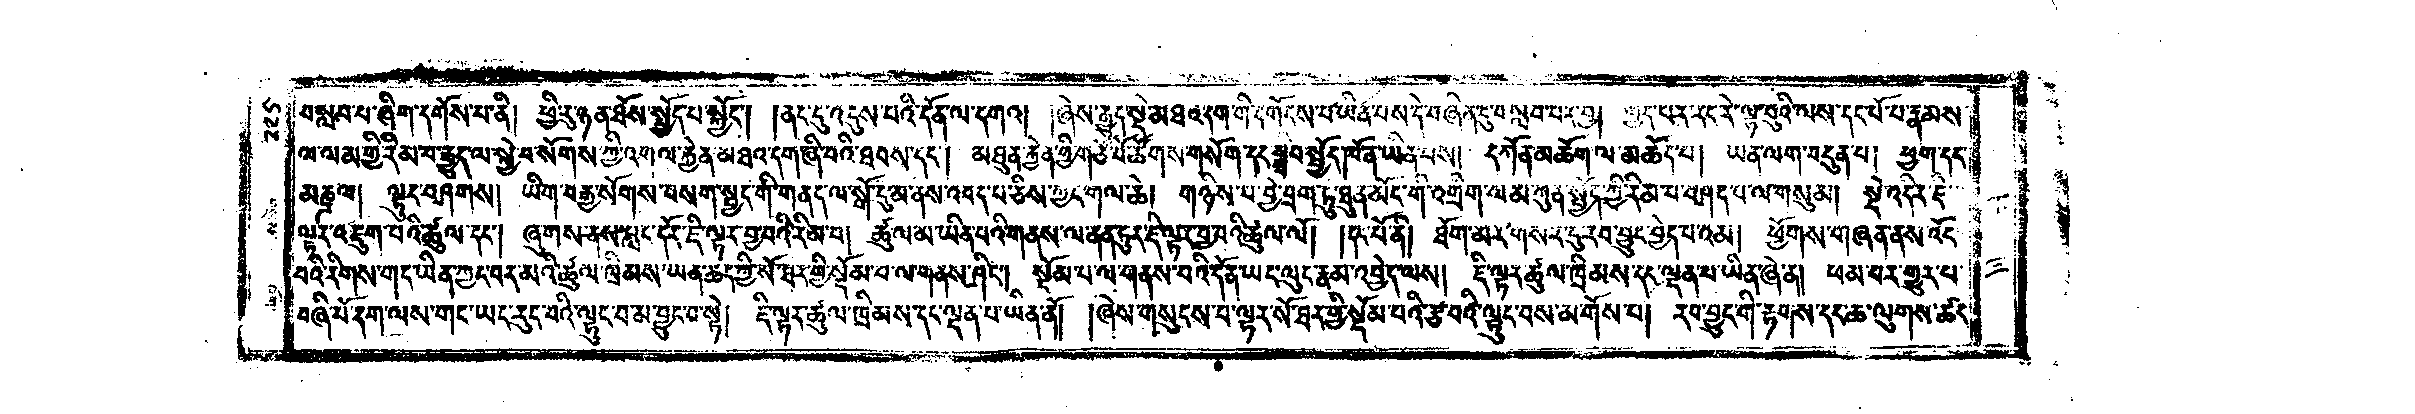བསླབ་པ་ཞིག་དགོས་པ་ནི། ཕྱི་རུ་ཉན་ཐོས་སྤྱོད་པ་སྐྱོང་། །ནང་དུ་འདུས་པའི་དོན་ལ་དགའ། །ཞེས་རྒྱུད་སྡེ་མཐའ་དག་གི་དགོངས་པ་ཡིན་པས་དེ་བཞིན་དུ་བསླབ་པར་བྱ། ཁྱད་པར་རང་རེ་ལྟ་བུའི་ལས་དང་པོ་པ་རྣམས་
ལ་ལམ་གྱི་རིམ་པ་རྒྱུད་ལ་སྐྱེ་བ་སོགས་ཀྱི་འགལ་རྐྱེན་མཐའ་དག་ཞི་བའི་ཐབས་དང་། མཐུན་རྐྱེན་གྱི་གཙོ་བོ་ཚོགས་གསོག་དང་སྒྲིབ་སྦྱོང་ཁོ་ན་ཡིན་པས། དཀོན་མཆོག་ལ་མཆོད་པ། ཡན་ལག་བདུན་པ། ཕྱག་དང་
མཎྜལ། ལྟུང་བཤགས། ཡིག་བརྒྱ་སོགས་བསག་སྦྱང་གི་གནད་ལ་སྒོ་དུ་མ་ནས་འབད་པ་ཅིས་ཀྱང་གལ་ཆེ། གཉིས་པ་བྱེ་བྲག་ཏུ་ཐུན་མོང་གི་འགྲིག་ལམ་ཀུན་སྤྱོད་ཀྱི་རིམ་པ་བཤད་པ་ལ་གསུམ། སྡེ་འདིར་ཇི་
ལྟར་འཇུག་པའི་ཚུལ་དང་། ཞུགས་ནས་བླང་དོར་ཇི་ལྟར་བྱ་བའི་རིམ་པ། ཚུལ་མ་ཡིན་པའི་གནས་ལ་ནན་ཏུར་ཇི་ལྟར་བྱ་བའི་ཚུལ་ལོ། །དང་པོ་ནི། ཐོག་མར་གསར་དུ་རབ་བྱུང་བྱེད་པའམ། ཕྱོགས་གཞན་ནས་འོང་
བའི་རིགས་གང་ཡིན་ཀྱང་བར་མའི་ཚུལ་ཁྲིམས་ཡན་ཆད་ཀྱི་སོ་ཐར་གྱི་སྡོམ་པ་ལ་གནས་ཤིང་། སྡོམ་པ་ལ་གནས་པའི་དོན་ཡང་ལུང་རྣམ་འབྱེད་ལས། ཇི་ལྟར་ཚུལ་ཁྲིམས་དང་ལྡན་པ་ཡིན་ཞེ་ན། ཕམ་པར་གྱུར་པ་
བཞི་པོ་དག་ལས་གང་ཡང་རུང་བའི་ལྟུང་བ་མ་བྱུང་བ་སྟེ། ཇི་ལྟར་ཚུལ་ཁྲིམས་དང་ལྡན་པ་ཡིན་ནོ། །ཞེས་གསུངས་པ་ལྟར་སོ་ཐར་གྱི་སྡོམ་བའི་རྩ་བའི་ལྟུང་བས་མགོས་པ། རབ་བྱུང་གི་རྟགས་དང་ཆ་ལུགས་ཚང་